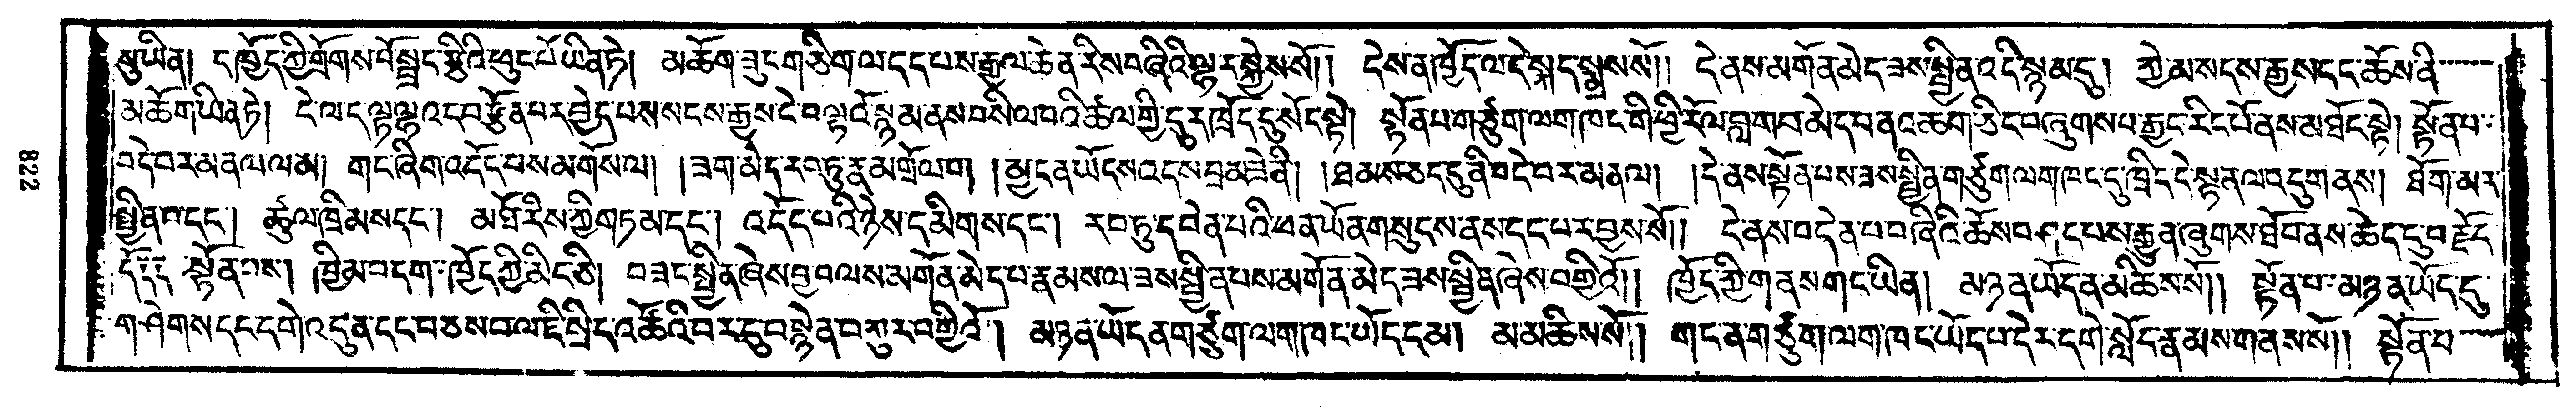སུ་ཡིན། ད་ཁྱོད་ཀྱི་གྲོགས་པོ་སྦྲང་རྩིའི་ཕུང་པོ་ཡིན་ཏེ། མཆོག་ཟུང་གཅིག་ལ་དད་པས་རྒྱལ་ཆེན་རིས་བཞིའི་ལྷར་སྐྱེས་སོ།། དེས་ན་ཁྱོད་ལ་དེ་སྐད་སྨྲས་སོ།། དེ་ནས་མགོན་མེད་ཟས་སྦྱིན་འདི་སྙམ་དུ། ཀྱེ་མ་སངས་རྒྱས་ངང་ཆོས་ནི་
མཆོག་ཡིན་ཏེ། དེ་ལ་ད་ལྟ་ལྷའང་བརྩོན་པར་བྱེད་པས་སངས་རྒྱས་ངེ་བལྟའོ་སྙམ་ནས་བསིལ་བའི་ཚལ་གྱི་དུར་ཁྲོད་དུ་སོང་སྟེ། སྟོན་པ་གཙུག་ལག་ཁང་གི་ཕྱི་རོལ་བླ་གབ་མེད་པ་ན་འཆག་ཅིང་བཞུགས་པ་རྒྱང་རིང་པོ་ནས་མཐོང་སྟེ། སྟོན་པ་
བདེ་བར་མནལ་ལམ། གང་ཞིག་འདོད་བས་མགོས་ལ། །ཟག་མེད་རབ་ཏུ་རྣམ་གྲོལ་བ། །མྱ་ངན་ཡོངས་འདས་བྲམ་ཟེ་ནི། །ཐམས་ཅད་དུ་ནི་བདེ་བར་མནལ། །དེ་ནས་སྟོན་པས་ཟས་སྤྱིན་གཙུག་ལག་ཁང་དུ་ཁྲིད་དེ་སྟན་ལ་འདུག་ནས། ཐོག་མར་
སྤྱིན་བ་དང་། ཚུལ་ཁྲིམས་དང་། མཐོ་རིས་ཀྱི་གཏམ་དང་། འདོད་པའི་ཉེས་དམིགས་དང་། རབ་ཏུ་དབེན་པའི་ཕན་ཡོན་གསུངས་ནས་དང་པར་བྱས་སོ།། དེ་ནས་བདེན་པ་བཞིའི་ཆོས་བཤད་པས་རྒྱུན་ཞུགས་ཐོབ་ནས་ཆེད་དུ་བརྗོད་
དོ༑༑ སྟོན་པས། ཁྱིམ་བདག་ཁྱོད་ཀྱི་མིང་ཅི། བཟང་སྤྱིན་ཞེས་བྱ་བ་ལས་མགོན་མེད་པ་རྣམས་ལ་ཟས་སྦྱིན་པས་མགོན་མེད་ཟས་སྦྱིན་ཞེས་བགྱིའོ།། ཁྱོད་ཀྱི་གནས་གང་ཡིན། མཉན་ཡོད་ན་མཆིས་སོ།། སྟོན་པ་མཉན་ཡོད་དུ་
གཤེགས་དང་དགེ་འདུན་དང་བཅས་བ་ལ་ཇི་སྲིད་འཚོའི་བར་དུ་བསྙེན་བཀུར་བགྱིའོ། མཉན་ཡོད་ན་གཙུག་ལག་ཁང་ཡོད་དམ། མ་མཆིས་སོ།། གང་ན་གཙུག་ལག་ཁང་ཡོད་པ་དེར་དགེ་སློང་རྣམས་གནས་སོ།། སྟོན་པ་